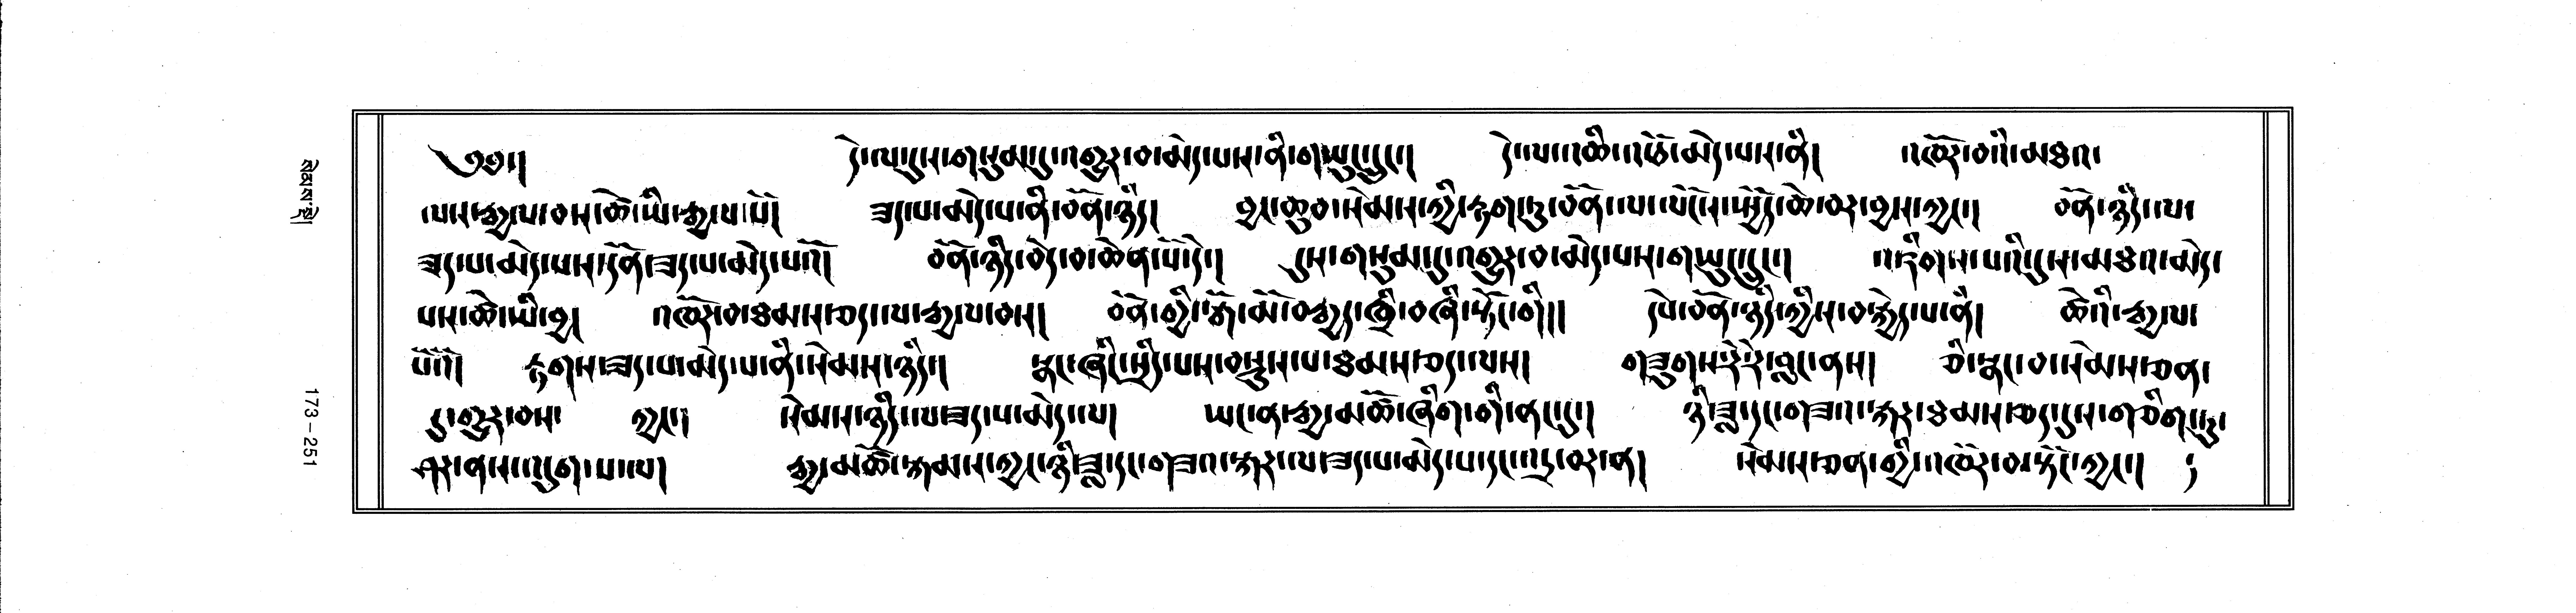དེ་ལ་དུས་གསུམ་དུ་འགྱུར་བ་མེད་པས་ནི་གཡུང་དྲུང་། དེ་ལ་འཆི་འཕོ་མེད་པས་ནི། འཁོར་བའི་མཐའ་
ལས་རྒྱལ་བས་ཚེ་ཡི་རྒྱལ་པོ། ཟད་པ་མེད་པ་ནི་བོན་ཉིད། བྱང་ཆུབ་སེམས་ཀྱི་རྟག་ཏུ་བོན་ལ་ལོངས་སྤྱོད་ཆེ་བར་བྱས་ཀྱང་། བོན་ཉིད་ལ་
ཟད་པ་མེད་པས་དོན་ཟད་པ་མེད་པའོ། །བོན་ཉིད་བདེ་བ་ཆེན་པོ་དེ། དུས་གསུམ་དུ་འགྱུར་བ་མེད་པས་གཡུང་དྲུང་། འཇིག་པའི་དུས་མཐའ་མེད་
པས་ཚེ་ཡི་བྱ། འཁོར་བ་ཐམས་ཅད་ལས་རྒྱལ་བས། བོན་གྱི་སྒོ་མོ་བརྒྱད་ཁྲི་བཞི་སྟོང་གི དཔེ་བོན་ཉིད་ཀྱིས་བསྐྱེད་པ་ནི། ཚེའི་རྒྱལ་
པོའོ། །རྟགས་ཟད་པ་མེད་པ་ནི་སེམས་ཉིད། སྣང་ཞིང་སྲིད་པས་བསྡུས་པ་ཐམས་ཅད་ལས། གཟུགས་རེ་རེ་བླངས་ནས། ཅི་སྣང་བ་སེམས་ཅན་
དུ་གྱུར་པས་ཀྱང་། སེམས་ཉིད་ལ་ཟད་པ་མེད་ལ། ཡང་ན་རྒྱ་མཚོ་ཞིག་གི་ནང་དུ། ཉི་ཟླ་དང་གཟའ་སྐར་ཐམས་ཅད་དུས་གཅིག་ཏུ་
ཤར་ནས་འདུག་པ་ལ། རྒྱ་མཚོ་སྐམས་ཀྱང་ཉི་ཟླ་གཟའ་སྐར་ལ་ཟད་པ་མེད་པ་དང་འདྲ་བར་ན། སེམས་ཅན་གྱི་འཁོར་བ་སྟོང་ཀྱང་